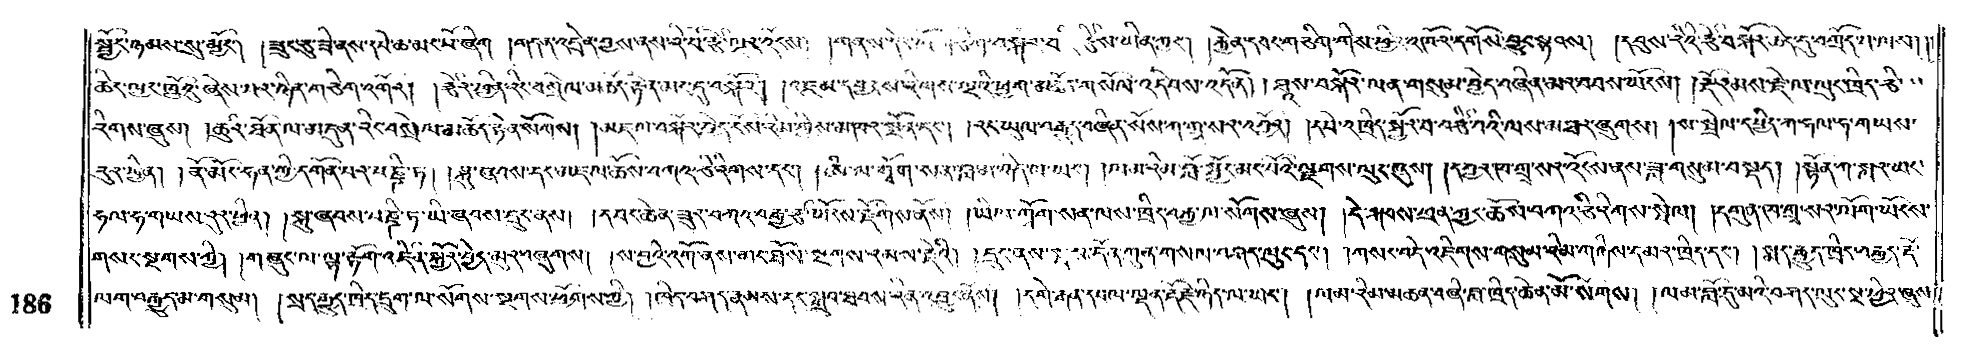སྦྱོང་ཉམས་སུ་མྱོང་། །ཟུང་ཅུ་ཟི་ནས་དཔེ་ཆ་མང་བོ་ཞིག །གདན་འདྲེན་བྱས་ནས་རི་བོ་རྩེ་ལྔར་འོངས། །གནས་དེར་ལོ་གཅིག་བསྐོར་བའི་རྩིས་ཡིན་ཀྱང་། །རྐྱེན་དབང་གཅིག་གིས་ཕྱིར་འཁོར་དགོས་བྱུང་སྟབས། །དབུས་རིའི་རྩེ་བསྐོར་ཆེད་དུ་བགྲོད་པ་ལས། །
ཆིད་ལྱང?་ཁྱོའུ་ཞེས་པར་ཉིན་གཅིག་འགོར། །རྩེར་ཕྱིན་རིང་བསྲེལ་མཆོད་རྟེན་མང་དུ་བསྐོར། །འཇམ་དབྱངས་རིགས་ལྔའི་ཕྱག་མཆོད་གསོལ་འདེབས་འདོན། །ཐཱས་བསྐོར་ལན་གསུམ་བྱེད་བཞིན་མར་བབས་ཡོངས། །རྡོ་རམས་རྗེ་ལ་ལུང་ཁྲིད་ཅི་
རིགས་ཞུས། །ཚུར་ཐོན་ལ་མདུན་རིང་བསྲེལ་མཆོད་རྟེན་སོགས། །མཇལ་བསྐོར་བྱེད་ངོས་རིམ་གྱིས་མཁར་སྔོན་དང་། །རང་ཡུལ་བརྒྱུད་བཞིན་སོས་ཀ་གྲྭ་སར་འབྱོར། །དཔེ་འཁྲིད་སྦྱོར་བ་བརྩི་བའི་ལས་མཐར་ཞུགས། །ས་སྤྲེལ་དཔྱིད་ཀ་ཧལ་ཧ་གཡས་
རུར་ཕྱིན། །ནོ་མོང་ཧན་གྱི་དགོན་པར་པཎྜི་ཏ། །སྐུ་ཞབས་དང་མཇལ་ཆོས་བཀའ་ཅི་རིགས་དང་། །ཨི་ལ་གྭོག་སན་བླ་མ་ཉིད་ལ་ཡང་། །ལམ་རིམ་བློ་སྦྱོང་མང་བོའི་ལྗགས་ལུང་ཞུས། །དབྱར་ཁ་གྲྭ་སར་འོངས་ནས་ཟླ་གསུམ་བསྡད། །སྟོན་ཀ་སླར་ཡང་
ཧལ་ཧ་གཡས་རུར་ཕྱིན། །སྐུ་ཞབས་པཎྜི་ཏ་ཡི་ཞབས་དྲུང་ནས། །དབང་ཆེན་ཟུར་བཀའ་བརྒྱ་རྩ་ཡོངས་རྫོགས་ནོས། །ཡིལ་གྭོག་སན་ལས་ཁྲིད་བརྒྱ་ལ་སོགས་ཞུས། །དེ་སྐབས་ཕྲན་ཀྱང་ཆོས་བཀའ་ཅི་རིགས་སྤེལ། །དགུན་ཁ་གྲྭ་སར་ལོག་ཡོངས་
གསང་སྔགས་ཀྱི། །གཞུང་ལ་ལྟ་རྟོག་འཛིན་སྐྱོར་བྱེད་མུར་བཞུགས། །ས་བྱའི་འགོ་ནས་མང་ཐོས་སྔགས་རམས་རྗེའི། །དྲུང་ནས་སྤས་དོན་ཀུན་གསལ་བཤད་ལུང་དང་། །གསང་བདེ་འཇིགས་གསུམ་རིམ་གཉིས་དམར་ཁྲིད་དང་། །སྨད་རྒྱུད་ཁྲིད་བརྒྱད་རྡོ་
ལག་བརྒྱུད་མ་གསུམ། །སྲད་རྒྱུད་ཁྲིད་དྲུག་ལ་སོགས་སྔགས་ཕྱོགས་ཀྱི། །ཁྲིད་བཤད་རྣམས་དང་སྒྲུབ་ཐབས་རིན་འབྱུང་ནོས། །དགེ་རྒན་དཔལ་ལྡན་རྡོ་རྗེ་ཉིད་ལ་ཡང་། །ལམ་རིམ་མཆན་བཞི་བླ་ཁྲིད་ཆེན་མོ་སོགས། །ལམ་བློ་དུ་མའི་བཤད་ལུང་སྔ་ཕྱིར་ཞུས།།